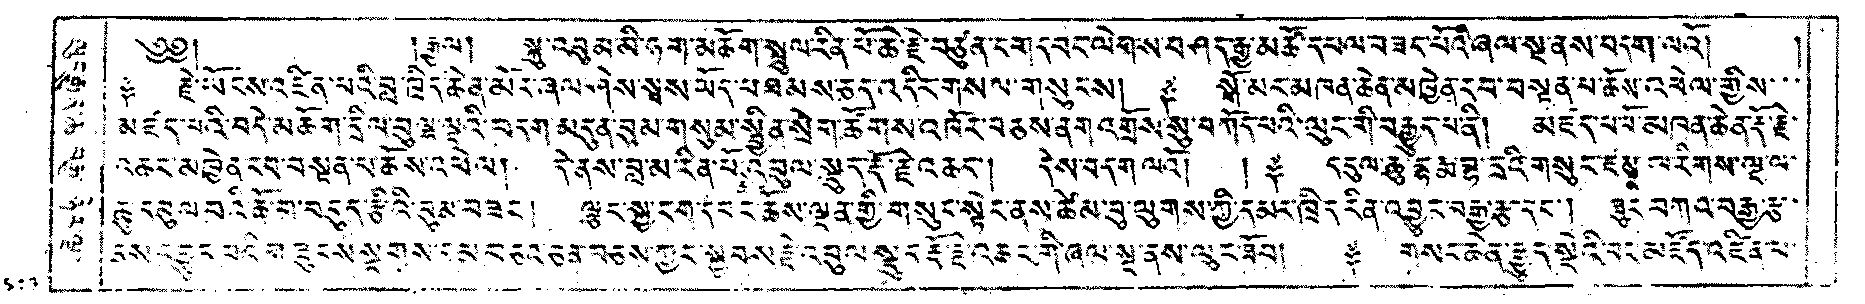༄༅། །རྒྱལ། སྐུ་འབུམ་མི་ཉག་མཆོག་སྤྲུལ་རིན་པོ་ཆེ་རྗེ་བཙུན་ངག་དབང་ལེགས་བཤད་རྒྱ་མཚོ་དཔལ་བཟང་པོའི་ཞལ་སྔ་ནས་བདག་ལའོ། །
༈ རྗེ་ཡོངས་འཛིན་པའི་བླ་ཁྲིད་ཆེན་མོར་ཞལ་ཤེས་སྦས་ཡོད་པ་ཐམས་ཅད་འདིར་གསལ་གསུངས། ༈ སྒོ་མང་མཁན་ཆེན་མཁྱེན་རབ་བསྟན་པ་ཆོས་འཕེལ་གྱིས་
མཛད་པའི་བདེ་མཆོག་དྲིལ་བུ་ལྷ་ལྔའི་བདག་མདུན་བུམ་གསུམ་སྦྱིན་སྲེག་ཚོགས་འཁོར་བཅས་ནག་འགྲོས་སུ་བཀོད་པའི་ལུང་གི་བརྒྱུད་པ་ནི། མཛད་པ་པོ་མཁན་ཆེན་རྡོ་རྗེ་
འཆང་མཁྱེན་རབ་བསྟན་པ་ཆོས་འཕེལ། དེ་ནས་བླ་མ་རིན་པོ་ཆེ་འབུལ་སྡུད་རྡོ་རྗེ་འཆང་། དེས་བདག་ལའོ། ། ༈ དངུལ་ཆུ་དྷརྨ་བྷ་དྲའི་གསུང་ཛམྦྷ་ལ་རིགས་ལྔ་ལ་
ཆུ་དབུལ་བའི་ཆོ་ག་བདུད་རྩིའི་བུམ་བཟང་། ལྕང་སྐྱ་ངག་དབང་ཆོས་ལྡན་གྱི་གསུང་སྟེང་ནས་ཚེམ་བུ་ལུགས་ཀྱི་དམར་ཁྲིད་རིན་འབྱུང་བརྒྱ་རྩ་དང་། ཟུར་བཀའ་བརྒྱ་རྩ་
ནས་འབྱུང་བའི་གཟུངས་སྔགས་དམ་བཅའ་ཅན་བཅས་ཀྱང་སྐྱབས་རྗེ་འབུལ་སྡུད་རྡོ་རྗེ་འཆང་གི་ཞལ་སྔ་ནས་ལུང་ཐོབ། ༈ གསང་ཆེན་རྒྱུད་སྡེའི་བང་མཛོད་འཛིན་པ་